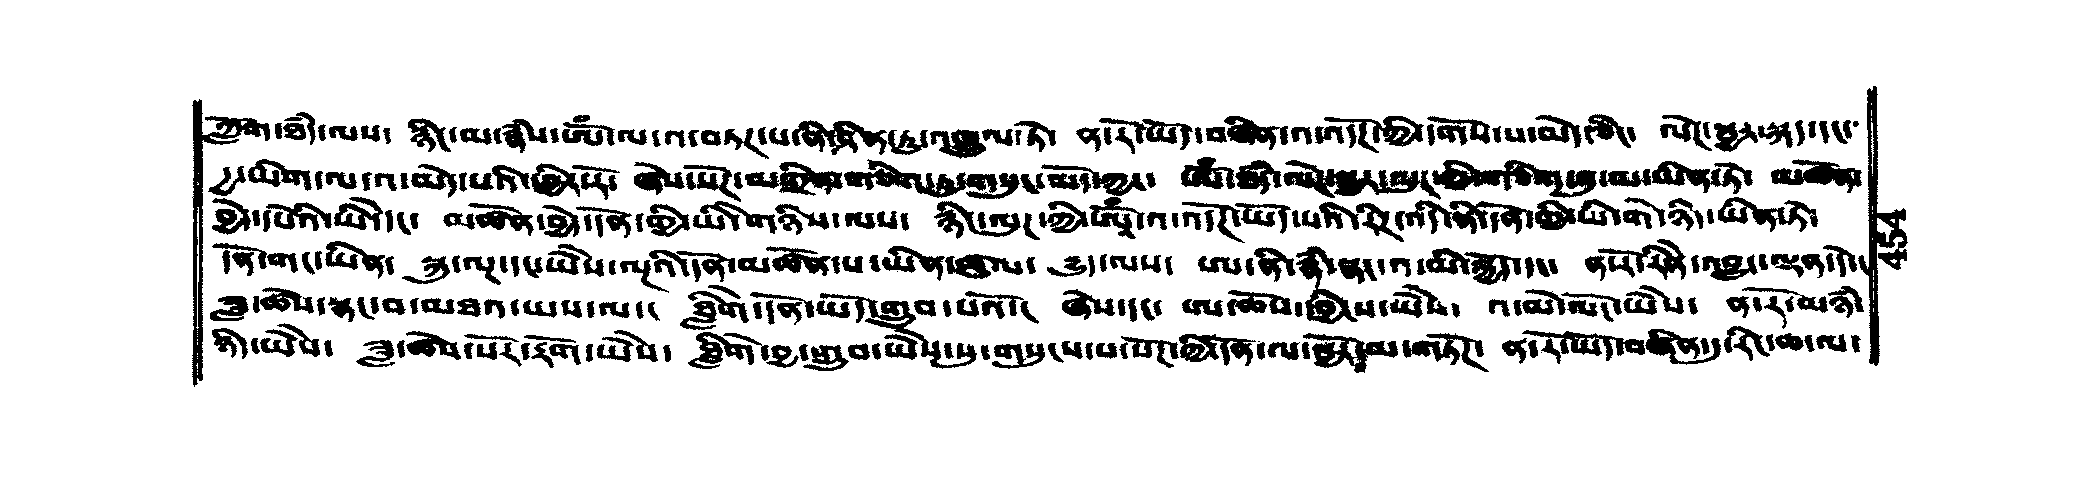ཀློག་ཐམས་ཅད་ལས། རྙིང་མ་རྣམས་ཨོཾ་ལ་འ་བཏགས་པ་ནི་ཤིན་ཏུ་འཁྲུལ་ཏེ། ན་རོ་ཡོད་བཞིན་འ་འདོགས་ཀྱི་དགོས་པ་མེད་ཅིང་། ལེགས་སྦྱར་སྐད་དང་
རྒྱ་ཡིག་ལ་འ་མེད་པའི་ཕྱིར་རོ། ཞེས་སོགས་མགྲིན་གཅིག་ཏུ་གསུང་མོད་ཀྱང་། ཨོཾ་ཐམས་ཅད་ལེགས་སྦྱར་ལུགས་ཀྱི་གཅིག་བུ་མ་ཡིན་ཏེ། མཚོན་
བྱེད་དཔེའི་ཡི་གེ་དང་། མཚོན་བྱ་དོན་གྱི་ཡི་གེ་གཉིས་ལས། རྙིང་ལུགས་ཀྱི་ཨཱོཾ་འ་འདོགས་ཡོད་སའི་རིགས་འདི་ནི་དོན་གྱི་ཡི་གེ་ཉིད་ཡིན་ཏེ། 
དོན་གང་ཡིན། སྐུ་ལྔ་དང་ཡེ་ཤེས་ལྔའི་དོན་མཚོན་པ་ཡིན་ཚུལ། རྒྱུད་ལས། ཨ་ནི་རྣམ་སྣང་འ་མི་སྐྱོད། །ན་རོ་རིན་ཆེན་འབྱུང་ལྡན་དེ། །
ཟླ་ཚེས་སྣང་བ་མཐའ་ཡས་ལ། །ཐིག་ལེ་དོན་ཡོད་གྲུབ་པའོ། ཞེས་དང་། ཨ་ཆོས་དབྱིངས་ཡེ་ཤེས། འ་མེ་ལོང་ཡེ་ཤེས། ན་རོ་མཉམ་
ཉིད་ཡེ་ཤེས། ཟླ་ཚེས་སོར་རྟོག་ཡེ་ཤེས། ཐིག་ལེ་བྱ་གྲུབ་ཡེ་ཤེས་སུ་གསུངས་པ་སོགས་ཀྱི་དོན་ལ་སྦྱོར་བ་མ་གཏོགས། ན་རོ་ཡོད་བཞིན་དུ་རིང་ཆ་ལ་